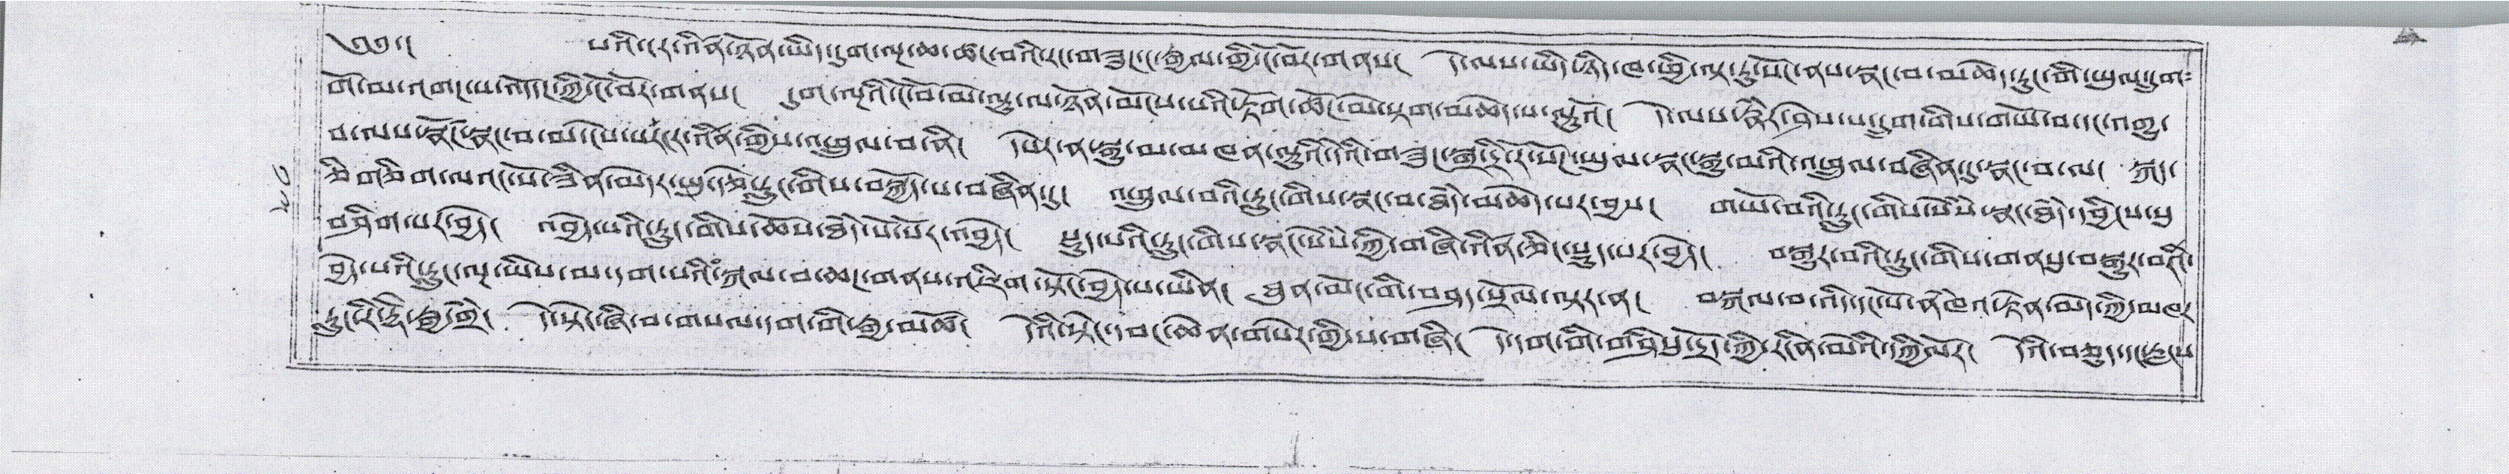པའི་ངར་འཛིན་ཉོན་ཡིད་དུག་ལྔ་ཆ་ཚང་བའི་རང་གཟུགས་ང་རྒྱལ་གྱི་ངོ་བོར་གནས། དེ་ལས་ཡིད་ཉིད་ཁ་ཕྱི་ལྟ་རུ་སོང་ནས་སྣང་བ་མཆེད་རུང་གི་ཡུལ་དྲུག་
གོ་མ་འགག་པ་འདོད་ཆགས་ཀྱི་ངོ་བོར་གནས། དུག་ལྔའི་ངོ་བོ་མེ་ལྟ་བུ་ལ་ཉོན་མོངས་པའི་རྟོག་ཚོགས་མེ་སྟག་མཆེད་པ་ལྟ་བུའོ། དེ་ལས་རྣམ་པར་ཤེས་པ་དྲུག་གིས་གཡོ་བ་དང་འགྱུ་
བ་ལས་སྣ་ཚོགས་སྣང་བ་མ་ངེས་པར་ངར་འཛིན་གྱིས་འཕྲུལ་བ་ནི། དཔེར་ན་སྒྱུ་མ་མཁའ་ལྟ་བུའི་དེའི་གཟུགས་སྒྲ་དྲི་རོ་སོགས་ཡུལ་སྣང་སྒྱུ་མའི་འཕྲུལ་བཞིན་དུ་སྣང་བ་ལ། སྐད་
ཅིག་གཅིག་ལའང་སོ་ཟིན་མེད་པར་སྤུ་རྩེ་རླུང་གིས་བསྐྱོད་པ་བཞིན་དུ། འཁྲུལ་པའི་རླུང་གིས་སྣང་བ་ཐམས་ཅད་མཆེད་པར་བྱས། གཡོ་བའི་རླུང་གིས་སེམས་སྣང་ཐམས་ཅད་དབྱིངས་སུ་
བཤིག་པར་བྱེད། འབྱེད་པའི་རླུང་གིས་ཆོས་ཐམས་ཅད་སོ་སོར་འབྱེད། སྡུད་པའི་རླུང་གིས་སྣང་སེམས་ཀྱི་གཞི་འཛིན་ཅིང་སྡུད་པར་བྱེད། བསྒྱུར་བའི་རླུང་གིས་གནས་སུ་སྒྱུར་བར་
བྱེད་པའི་རླུང་ལྔ་ཡིས་མ་དག་པའི་བསྐལ་པ་ཆགས་གནས་འཇིག་སྟོང་བྱེད་པ་ཡིན། ཐུན་མོང་གི་བཤད་སྲོལ་ལྟར་ན། བསྐལ་པ་འདི་དང་པོ་ནམ་མཁའ་རྟེན་མེད་ཀྱི་མཁར་
རླུང་རི་རྡོ་རྗེ་རྒྱ་གྲམ། དེ་སྟེང་ཞི་བ་གསལ་དག་གི་རྒྱ་མཚོ། དེའི་སྟེང་དབང་ཆེན་གསེར་གྱི་ས་གཞི། དེ་དག་གི་གཤིས་སུ་དྲོད་ཀྱི་རང་བཞིན་མེ་ཡི་དཀྱིལ་འཁོར། དེའི་བཅུད་དང་རླངས་